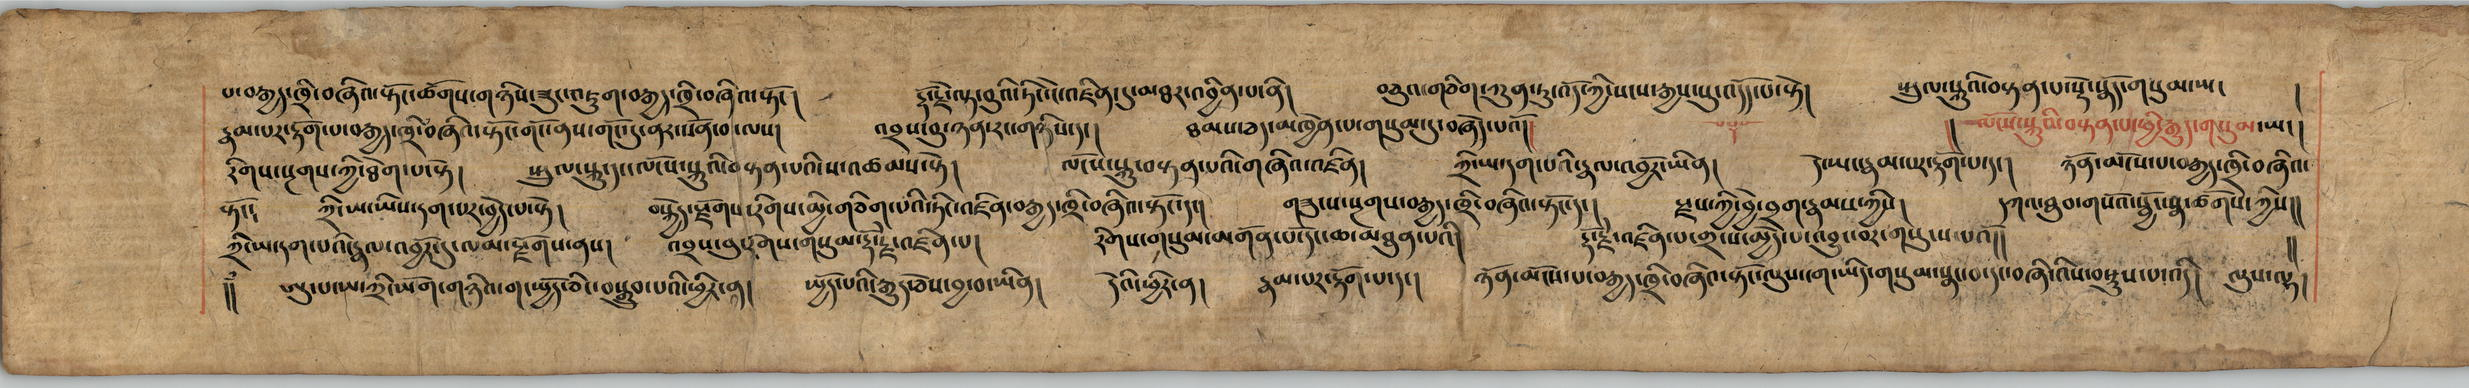པ་བརྒྱད་ཁྲི་བཞིའ་སྟོང་ཚོགས་གཉིས་ཟུང་འཇུག་བརྒྱད་ཁྲི་བཞིའ་སྟོང། རྡོ་རྗེ་ལྟ་བུའི་ཏིང་ངེ་འཛིན་དུ་མཐར་འབྱིན་པ་ནི། བཅུའ་གཅིག་ཀུན་ཏུ་འོད་ཀྱི་སངས་རྒྱས་སུ་འདོད་པ་སྟེ། སྤྲུལ་སྐུའི་བསྟན་པ་སྡེ་སྣོད་གསུམ་ཡང
རྣམ་པར་རྟོག་པ་བརྒྱད་ཁྲི་བཞི་སྟོང་གོང་ནས་གོང་དུ་ནར་སོན་བ་ལས། འབྲས་བུ་ཉན་རང་གཉིས་དང། ཐམས་ཅད་མཁྱེན་པ་གསུམ་དུ་བཞེད་པའོ།། །། ལོངས་སྐུའི་བསྟན་པ་ཕྱི་རྒྱུད་གསུམ་ཡང།
རིགས་སྔགས་ཀྱི་ཐེག་པ་སྟེ། སྤྲུལ་སྐུ་དང་ལོངས་སྐུའི་བསྟན་པའི་ས་འཚམས་སྟེ། ལོངས་སྐུ་བསྟན་པའི་གཞིའ་འཛིན། ཀྲི་ཡ་དག་པའི་རྣལ་འབྱོར་ཡིན། དེ་ཡང་རྣམ་པར་རྟོག་པ་དང། ཉོན་མོངས་པ་བརྒྱད་ཁྲི་བཞིའ་
སྟོང༴ ཀྲི་ཡ་ཡིས་དག་པར་བྱེད་པ་སྟེ། བསྐྱེད་སྫོགས་རིགས་མྱི་གཅིག་པའི་ཏིང་འཛིན་བརྒྱད་ཁྲི་བཞིའ་སྟོང་དང། གཟུངས་སྔགས་བརྒྱད་ཁྲི་བཞིའ་སྟོང་དང། གཟུངས་སྔགས་བརྒྱད་ཁྲི་བཞིའ་སྟོང་དང། སྫས་ཀྱི་བྱེ་བྲག་རྣམས་ཀྱིས། དཀའ་ཐུབ་གསོའ་སྦྱོང་སྣ་ཚོགས་ཀྱིས།།
ཀྲི་ཡ་དག་པའི་རྣལ་འབྱོར་དུ་ལམ་སྫོགས་ནས། འབྲས་བུ་རིགས་གསུམ་རྡོ་རྗེ་འཛིན་པ། རིག་གསུམ་མགོན་པོ་དང་ཆ་མཐུན་པའི། རྡོ་རྗེ་འཛིན་པ་གྲངས་མྱེད་པ་འབྱུང་བར་གསུངས་པའོ།།
།། ཨུ་པ་ཡ་ཀྲི་ཡོག་གཉིའ་ག་སྤྱོད་ཅིང་བསྒྲུབ་པའི་ཕྱིར་ན། སྤྱོད་པའི་རྒྱུད་ཅེས་བྱ་བ་ཡིན། དེའི་ཕྱིར་ན། རྣམ་པར་རྟོག་པ་དང། ཉོན་མོངས་པ་བརྒྱད་ཁྲི་བཞིའ་སྟོང་ལུས་ངག་ཡིད་གསུམ་སྣང་བ་དང་བཞི་འིས་བསྡུས་པ་འདི། ལུས་ལྷ།